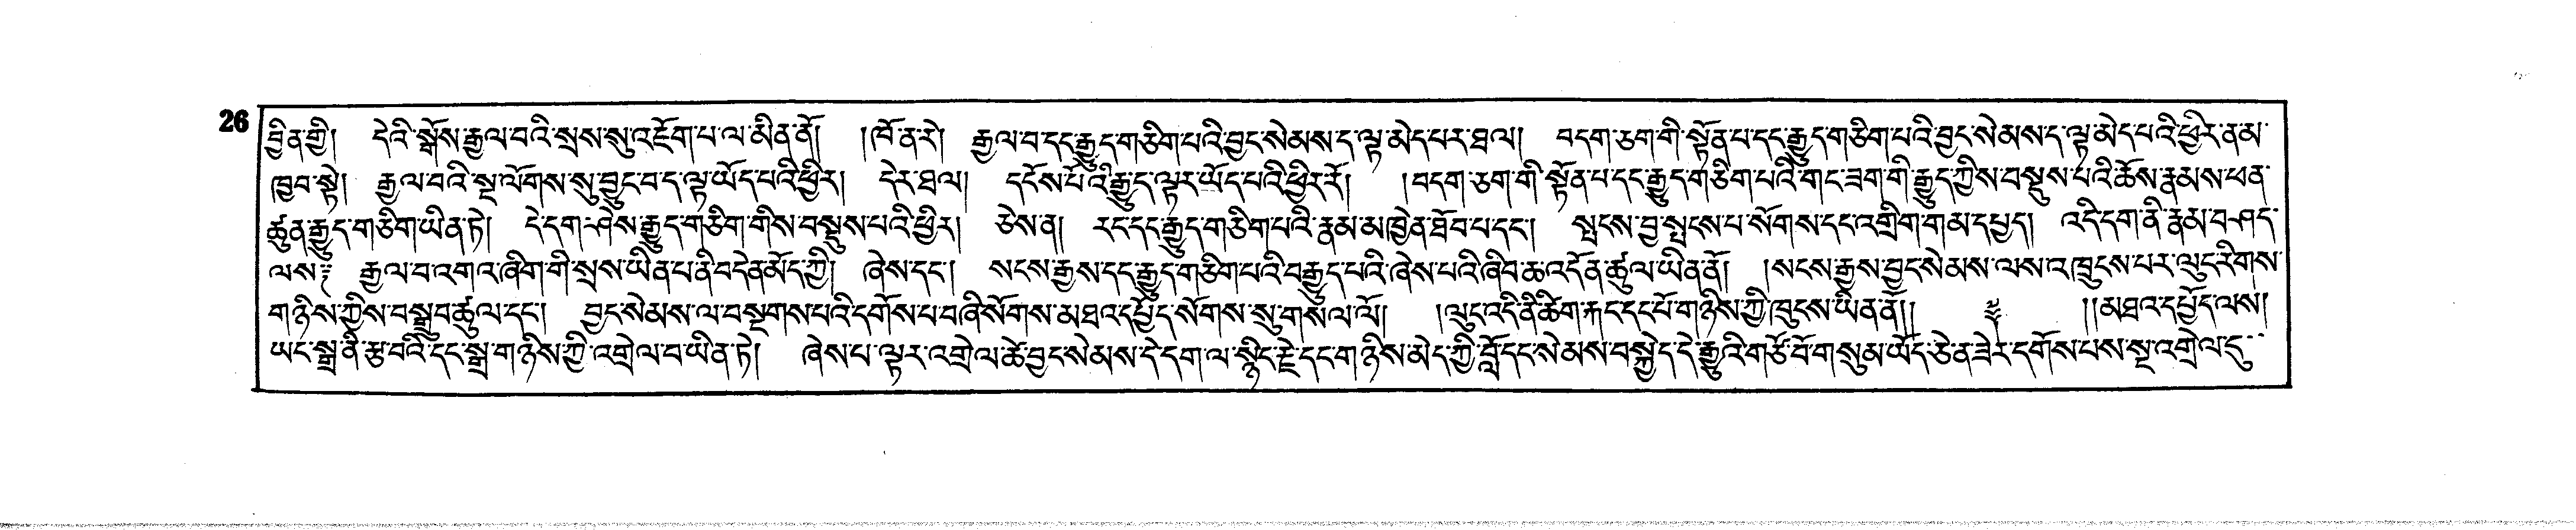བྱིན་གྱི། དེའི་སྒོས་རྒྱལ་བའི་སྲས་སུ་འཇོག་པ་ལ་མིན་ནོ། །ཁོ་ན་རེ། རྒྱལ་བ་དང་རྒྱུད་གཅིག་པའི་བྱང་སེམས་ད་ལྟ་མེད་པར་ཐལ། བདག་ཅག་གི་སྟོན་པ་དང་རྒྱུད་གཅིག་པའི་བྱང་སེམས་ད་ལྟ་མེད་པའི་ཕྱིར་ན་མ་
ཁྱབ་སྟེ། རྒྱལ་བའི་སྔ་ལོགས་སུ་བྱུང་བ་ད་ལྟ་ཡོད་པའི་ཕྱིར། དེར་ཐལ། དངོས་པོའི་རྒྱུ་ད་ལྟར་ཡོད་པའི་ཕྱིར་རོ། །བདག་ཅག་གི་སྟོན་པ་དང་རྒྱུད་གཅིག་པའི་གང་ཟག་གི་རྒྱུད་ཀྱིས་བསྡུས་པའི་ཆོས་རྣམས་ཕན་
ཚུན་རྒྱུད་གཅིག་ཡིན་ཏེ། དེ་དག་ཤེས་རྒྱུད་གཅིག་གིས་བསྡུས་པའི་ཕྱིར། ཅེས་ན། རང་དང་རྒྱུད་གཅིག་པའི་རྣམ་མཁྱེན་ཐོབ་པ་དང་། སྤངས་བྱ་སྤངས་པ་སོགས་དང་འགྲིག་གམ་དཔྱད། འདི་དག་ནི་རྣམ་བཤད་
ལས། རྒྱལ་བ་འགའ་ཞིག་གི་སྲས་ཡིན་པ་ནི་བདེན་མོད་ཀྱི། ཞེས་དང་། སངས་རྒྱས་དང་རྒྱུད་གཅིག་པའི་བརྒྱུད་པའི་ཞེས་པའི་ཞིབ་ཆ་འདོན་ཚུལ་ཡིན་ནོ། །སངས་རྒྱས་བྱང་སེམས་ལས་འཁྲུངས་པར་ལུང་རིགས་
གཉིས་ཀྱིས་བསྒྲུབ་ཚུལ་དང་། བྱང་སེམས་ལ་བསྔགས་པའི་དགོས་པ་བཞི་སོགས་མཐའ་དཔྱོད་སོགས་སུ་གསལ་ལོ། །ལུང་འདི་ནི་ཚིག་རྐང་དང་པོ་གཉིས་ཀྱི་ཁུངས་ཡིན་ནོ།། ༈ །།མཐའ་དཔྱོད་ལས།
ཡང་སྒྲ་ནི་རྩ་བའི་དང་སྒྲ་གཉིས་ཀྱི་འགྲེལ་བ་ཡིན་ཏེ། ཞེས་པ་ལྟར་འགྲེལ་ཚེ་བྱང་སེམས་དེ་དག་ལ་སྙིང་རྗེ་དང་གཉིས་མེད་ཀྱི་བློ་དང་སེམས་བསྐྱེད་དེ་རྒྱུའི་གཙོ་བོ་གསུམ་ཡོད་ཅེ་ན་ཟེར་དགོས་པས་སྔ་འགྲེལ་དུ་